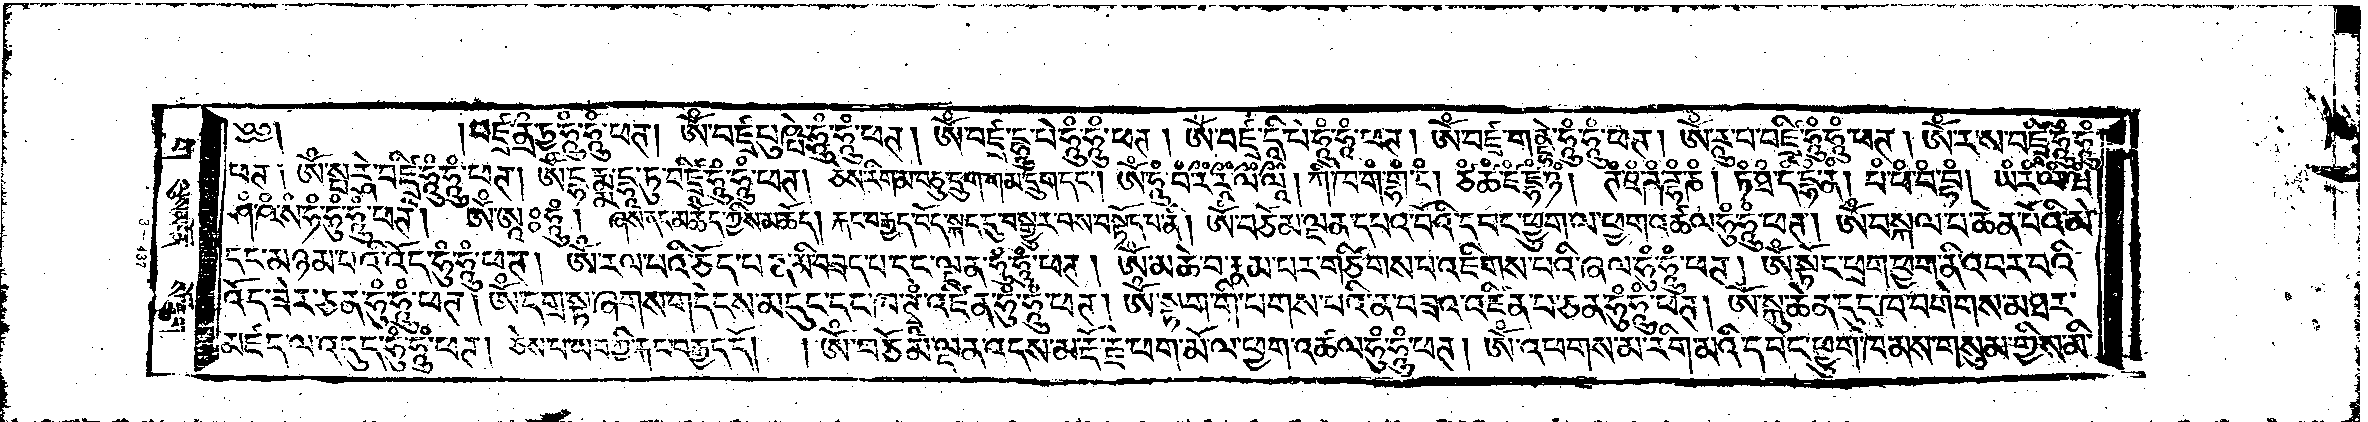༄༅། །བཛྲ་ནྲྀ་ཏྲ་ཧཱུཾ་ཧཱུཾ་ཕཊ། ཨོཾ་བཛྲ་པུཥྤེ་ཧཱུཾ་ཧཱུཾ་ཕཊ། ཨོཾ་བཛྲ་དྷཱུ་པེ་ཧཱུཾ་ཧཱུཾ་ཕཊ། ཨོཾ་བཛྲ་དཱི་པེ་ཧཱུཾ་ཧཱུཾ་ཕཊ། ཨོཾ་བཛྲ་གནྡྡྷེ་ཧཱུཾ་ཧཱུཾ་ཕཊ། ཨོཾ་རཱུ་པ་བཛྲི་ཧཱུཾ་ཧཱུཾ་ཕཊ། ཨོམ་ར་ས་བཛྲི་ཧཱུཾ་ཧཱུཾ་
ཕཊ༑ ཨོཾ་སྤརྴེ་བཛྲི་ཧཱུཾ་ཧཱུཾ་ཕཊ། ཨོཾ་དྷརྨྨ་དྷཱ་ཏུ་བཛྲི་ཧཱུཾ་ཧཱུཾ་ཕཊ། ཅེས་རིག་མ་བཅུ་དྲུག་གམ་དྲུག་དང་།  ཨོཾ་ཧཱུཾ་བཾ་རྀཾ་རཱྀཾ་ལྀཾ་ལཱྀཾ། ཀི་ཁ་གཾ་གྷཾ་ངཾ། ཙཾ་ཚཾ་ཛཾ་ཛྷཾ་ཉཾ། ཊཾ་ཊཿཨཾ་ཌཾ་ཌྷཾ་ཎཾ། ཏཾ་ཐཾ་དཾ་དྷཾ་ནཾ། པཾ་ཕཾ་བཾ་བྷཾ། ཡཾ་རཾ་ལཾ་ཝཾ་
ཤཾ་ཥཾ་སཾ་ཧཾ་ཧུཾ་ཧཱུཾ་ཕཊ། ཨོཾ་ཨཱཿཧཱུཾ། ཞེས་ནང་མཆོད་ཀྱིས་མཆོད། རྐང་བརྒྱད་བོད་སྐད་དུ་བསྒྱུར་བས་བསྟོད་པ་ནི། ཨོཾ་བཅོམ་ལྡན་དཔའ་བོའི་དབང་ཕྱུག་ལ་ཕྱག་འཚལ་ཧུཾ་ཧཱུཾ་ཕཊ། ཨོཾ་བསྐལ་པ་ཆེན་པོའི་མེ་
དང་མཉམ་པའི་འོད་ཧུཾ་ཧཱུཾ་ཕཊ། ཨོཾ་རལ་པའི་ཅོད་པན་མི་བཟད་པ་དང་ལྡན་ཧུཾ་ཧཱུཾ་ཕཊ། ཨོཾ་མཆེ་བ་རྣམ་པར་གཙིགས་པ་འཇིགས་པའི་ཞལ་ཧུཾ་ཧཱུཾ་ཕཊ། ཨོཾ་སྟོང་ཕྲག་ཕྱག་ནི་འབར་བའི་
འོད་ཟེར་ཅན་ཧུཾ་ཧཱུཾ་ཕཊ། ཨོཾ་དགྲ་སྟ་ཞགས་གདེངས་མདུང་དང་ཁ་ཊྭཱཾ་འཛིན་ཧུཾ་ཧཱུཾ་ཕཊ། ཨོཾ་སྟག་གི་ཕགས་པའི་ན་བཟའ་འཛིན་པ་ཅན་ཧུཾ་ཧཱུཾ་ཕཊ། ཨོཾ་སྐུ་ཆེན་དུད་ཁ་བགེགས་མཐར་
མཛད་ལ་འདུད་ཧུཾ་ཧཱུཾ་ཕཊ། ཅེས་པ་ཡབ་ཀྱི་རྐང་བརྒྱད་དོ།  །ཨོཾ་བཅོམ་ལྡན་འདས་མ་རྡོ་རྗེ་ཕག་མོ་ལ་ཕྱག་འཚལ་ཧུཾ་ཧཱུཾ་ཕཊ། ཨོཾ་འཕགས་མ་རིག་མའི་དབང་ཕྱུག་ཁམས་གསུམ་གྱིས་མི་